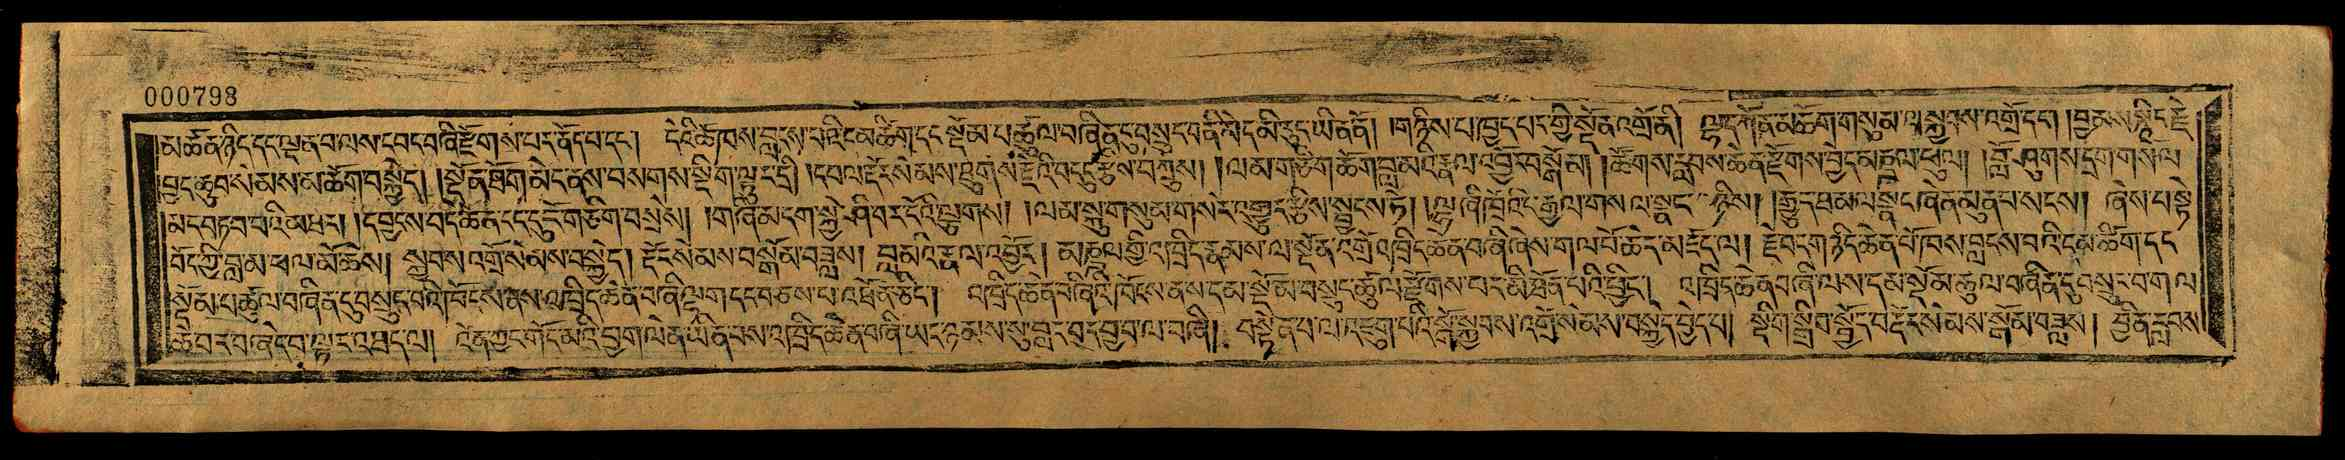མཚན་ཉིད་དང་ལྡན་པ་ལས་དབང་བཞི་རྫོགས་པར་ནོད་པ་དང་། དེའི་ཚེ་ཁས་བླངས་པའི་དམ་ཚིག་དང་སྡོམ་པ་ཚུལ་བཞིན་དུ་བསྲུང་བ་ནི་མེད་མི་རུང་ཡིན་ནོ། །གཉིས་པ་ཁྱད་པར་གྱི་སྔོན་འགྲོ་ནི། ལྷ་དཀོན་མཆོག་གསུམ་ལ་སྐྱབས་འགྲོ་དང་། །བྱམས་སྙིང་རྗེ་
བྱང་ཆུབ་སེམས་མཆོག་བསྐྱེད། །སྔོན་ཐོག་མེད་ནས་བསགས་སྡིག་ལྟུང་དྲི། །དཔལ་རྡོར་སེམས་ཐུགས་རྗེའི་བདུད་རྩིས་བཀྲུས། །ལམ་གཅིག་ཆོག་བླ་མའི་རྣལ་འབྱོར་བསྒོམ། །ཚོགས་རླབས་ཆེན་རྟོགས་བྱེད་མཎྜལ་ཕུལ། །བློ་ཤུགས་དྲག་གསོལ་
མང་བཏབ་པའི་མཐར། །དབྱངས་བདེ་ཆེན་ངང་དུ་རོ་གཅིག་བསྲེས། །གཞི་མ་དག་སྐྱེ་ཤི་བར་དོའི་ལྕགས། །ལམ་སྐུ་གསུམ་གསེར་འགྱུར་རྩིས་སྦྱངས་ཏེ། །ལྷ་ཞི་ཁྲོའི་ང་རྒྱལ་གསལ་སྣང་གཉིས། །རྒྱུད་ཐ་མལ་སྣང་ཞེན་མུན་པ་སངས། །ཞེས་པ་སྟེ་
བོད་ཀྱི་བླ་མ་ཕལ་མོ་ཆེས། སྐྱབས་འགྲོ་སེམས་བསྐྱེད། རྡོར་སེམས་བསྒོམ་བཟླས། བླ་མའི་རྣལ་འབྱོར། མཎྜལ་གྱི་འཁྲིད་རྣམས་ལ་སྔོན་འགྲོ་འཁྲིད་ཆེན་བཞི་ཞེས་གལ་པོ་ཆེར་མཛད་ལ། རྗེ་བདག་ཉིད་ཆེན་པོ་ཁས་བླངས་པའི་དམ་ཚིག་དང་
སྡོམ་པ་ཚུལ་བཞིན་དུ་བསྲུང་བའི་ཁོངས་ནས་འཁྲིད་ཆེན་བཞི་ལྷག་དང་བཅས་པ་འཐོན་ཅིང་། འཁྲིད་ཆེན་བཞིའི་ཁོངས་ནས་དམ་སྡོམ་བསྲུང་ཚུལ་རྫོགས་པར་མི་ཐོན་པའི་ཕྱིར། འཁྲིད་ཆེན་བཞི་ལས་དམ་སྡོམ་ཚུལ་བཞིན་དུ་བསྲུང་བ་གལ་
ཆེ་བར་བཞེད་པ་ལྟར་འཐད་ལ། འོན་ཀྱང་གོང་མའི་ཕྱག་ལེན་ཡིན་པས་འཁྲིད་ཆེན་བཞི་ཡང་ཉམས་སུ་བླང་བར་བྱ་བ་ལ་བཞི། བསྟན་པ་ལ་འཇུག་པའི་སྒོ་སྐྱབས་འགྲོ་སེམས་བསྐྱེད་བྱེད་པ། སྡིག་སྒྲིབ་སྤྱོད་པ་རྡོར་སེམས་སྒོམ་བཟླས། བྱིན་རླབས་